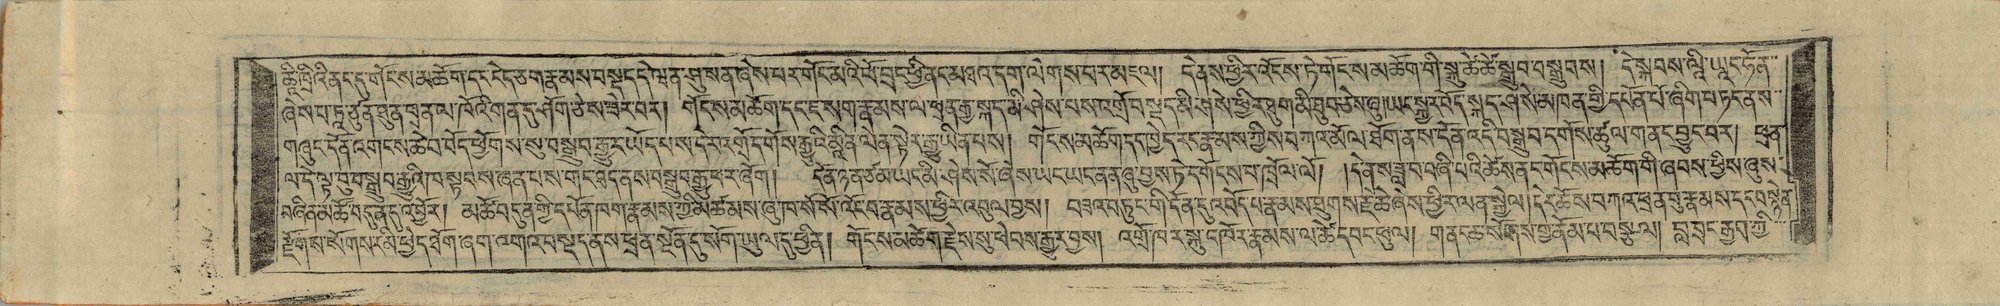ཆཱི་ཁྲིའི་?་ནང་དུ་གོང་ས་མཆོག་དང་ངེད་ཅག་རྣམས་བསྡད་དེ་ཝན་ཤུས་ན་ཞེས་པར་གོང་མའི་ཕོ་བྲང་ཕྱི་ནང་མཐའ་དག་ལེགས་པར་མཇལ། དེ་ནས་ཕྱིར་འོངས་ཏེ་གོང་ས་མཆོག་གི་སྐུ་ཚེ་ཚེ་སྒྲུབ་བསྒྲུབས། དེ་སྐབས་ལཱི་ཡཱང་ཧོན་
ཞེས་པ་ཏཱ་ཙུན་ཐུན་ཕྲན་ལ་ཁོའི་གན་དུ་ཤོག་ཅེས་ཟེར་བར། གོང་ས་མཆོག་དང་ཇ་སག་རྣམས་ལ་ཕྲན་རྒྱ་སྐད་མི་ཤེས་པས་འགྲོ་བསྡད་མི་ཤེས་ཕྱིར་ཐུག་མི་ཐུབ་ཅེས་ཞུ། ཡང་སྐྱར་བོད་སྐད་ཤ་སེ་མཁན་གྱི་དཔོན་པོ་ཞིག་བཏང་ནས་
གཞུང་དོན་འགངས་ཆེ་བ་བོད་ཕྱོགས་སུ་བསྒྲུབ་རྒྱུར་ཡོད་པས་དེར་འགྲོ་དགོས་རྒྱུའི་མཱིན་ལེན་སྟེར་རྒྱུ་ཡིན་པས། གོང་ས་མཆོག་དང་ཁྱེད་རང་རྣམས་ཀྱིས་བཀའ་མོལ་ཐོག་ནས་དོན་འདི་བསྒྲུབ་དགོས་ཚུལ་གནང་བྱུང་བར། ཕྲན་
ལ་དེ་ལྟ་བུ་བསྒྲུབ་རྒྱུའི་ཁ་སྟབས་ཞན་པས་གང་ཐད་ནས་བསྒྲུབ་རྒྱུ་ཕར་ཞོག །དོན་ཉན་ཙམ་ཡང་མི་ཤེས་སོ་ཞེས་ཡང་ཡང་ནན་ཞུ་བྱས་ཏེ་དགོངས་པ་ཁྲོལ་ལོ། །དེ་ནས་ཟླ་བ་བཞི་པའི་ཚེས་ནང་གོང་ས་མཆོག་གི་ཞབས་ཕྱིས་ཞུས་
བཞིན་མཚོ་བདུན་དུ་འབྱོར། མཚོ་བདུན་གྱི་དཔོན་ཁག་རྣམས་ཀྱི་མཚམས་ཞུ་ཁ་སོ་སོ་འོང་བ་རྣམས་ཕྱིར་འབུལ་བྱས། བཟའ་བཏུང་གི་དོན་དུ་འབོད་པ་རྣམས་ཐུགས་རྗེ་ཆེ་ཞེས་ཕྱིར་ལན་སྐྱེལ། དེར་ཆོས་བཀའ་ཕྲན་བུ་རྣམས་དང་བསྙེན་
རྫོགས་སོགས་རིམ་ཕྱེད་ཐོག་ཞག་འགའ་བསྡད་ནས་ཕྲན་སྔོན་དུ་སོག་ཡུལ་དུ་ཕྱིན། གོང་ས་མཆོག་རྗེས་སུ་ཕེབས་རྒྱུར་བྱས། འགྲོ་ཁར་སྐུ་འཁོར་རྣམས་ལ་ཚེ་དབང་ཕུལ། གནང་ཆ་སོགས་གྱ་ནོམ་པ་བསྩལ། བླ་བྲང་རྒྱབ་ཀྱི་